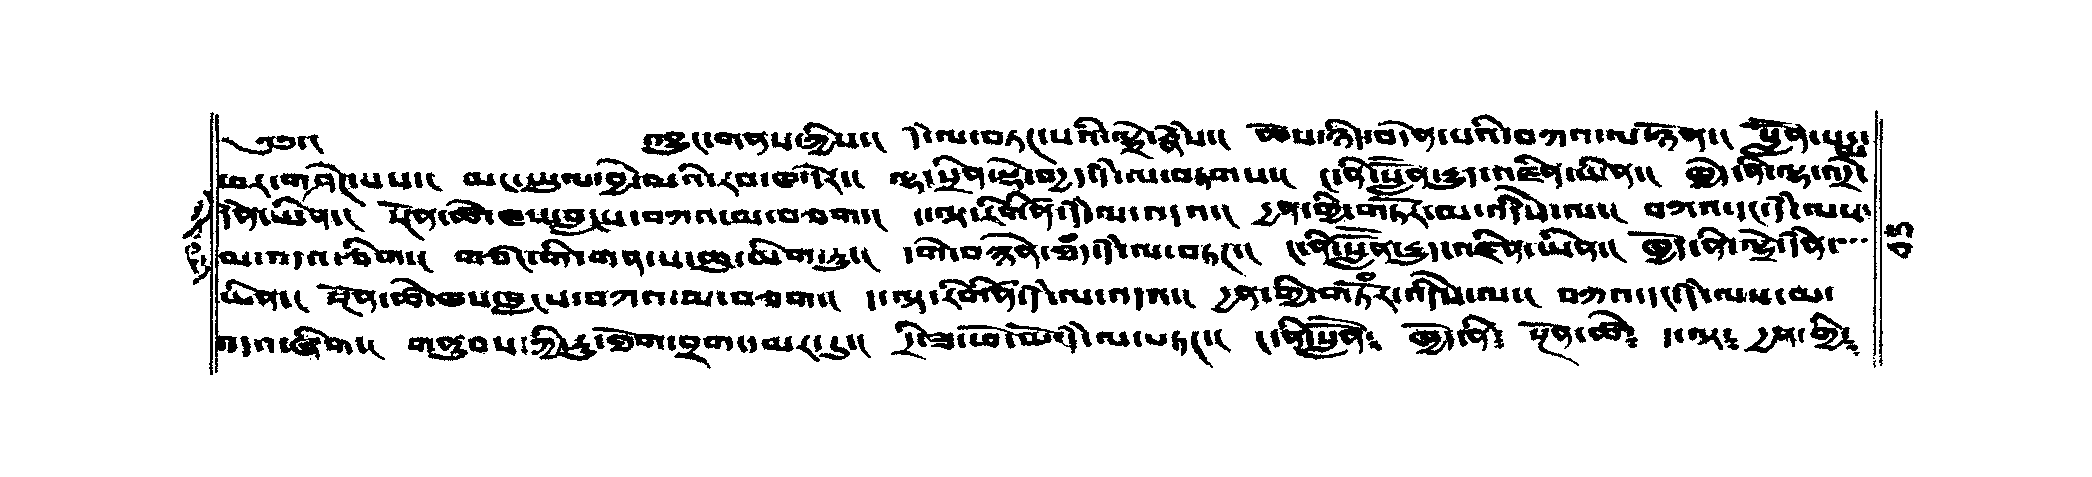འབྱུང་གནས་ཀྱིས། །དམ་ལ་བཏགས་པའི་ལྷ་འདྲེ་རྣམས། །ཆོས་ཉིད་བདེན་པའི་བཀའ་ལ་ཉོན། །སློབ་དཔོན་པདྨ་
ཕར་གཤེགས་པས། །མང་སྤྲུལ་བྱེ་མའི་རབ་ཁ་དེར། ། ལྷ་སྲིན་སྡེ་བརྒྱད་དམ་ལ་བཏགས། །ང་ནི་སློབ་དཔོན་རྒྱུད་འཛིན་ཡིན། །ཁྱེད་ནི་ལྷ་འདྲེ་
དམ་ཅན་ཡིན། །སྔོན་ཚེ་ཁས་བླངས་བཀའ་མ་བཅག་ད་ལྟ་རིག་འཛིན་དམ་ལ་འདའ། །རྒྱན་གྱི་གཏོར་མ་འདི་བཞེས་ལ། །བཀའ་དང་དམ་ལས་
མ་འདའ་ཅིག་གཙང་གི་གན་ས་ཆུ་མིག་ཏུ། །དགེ་བསྙེན་ཐམས་ཅད་དམ་ལ་བཏགས། །ང་ནི་སློབ་དཔོན་རྒྱུད་འཛིན་ཡིན། །ཁྱོད་ནི་ལྷ་ལའདྲེ་དམ་ཅན་
ཡིན། །སྔོན་ཚེ་ཁས་བླངས་བཀའ་མ་བཅག་ད་ལྟ་རིག་འཛིན་དམ་ལ་འདའ། །རྒྱན་གྱི་གཏོར་མ་འདི་བཞེས་ལ། །བཀའ་དང་དམ་ལས་མ་
འདའ་ཞིག་གནུབས་ཀྱི་རུ་ཐོག་བྲག་དམར་དུ། །དྲི་ཟ་ཕོ་མོ་དམ་ལ་བཏགས། །ང་ནི་སློབ་༴ ཁྱོད་ནི་༴ སྔོན་ཚེ་༴ རྒྱན་གྱི་